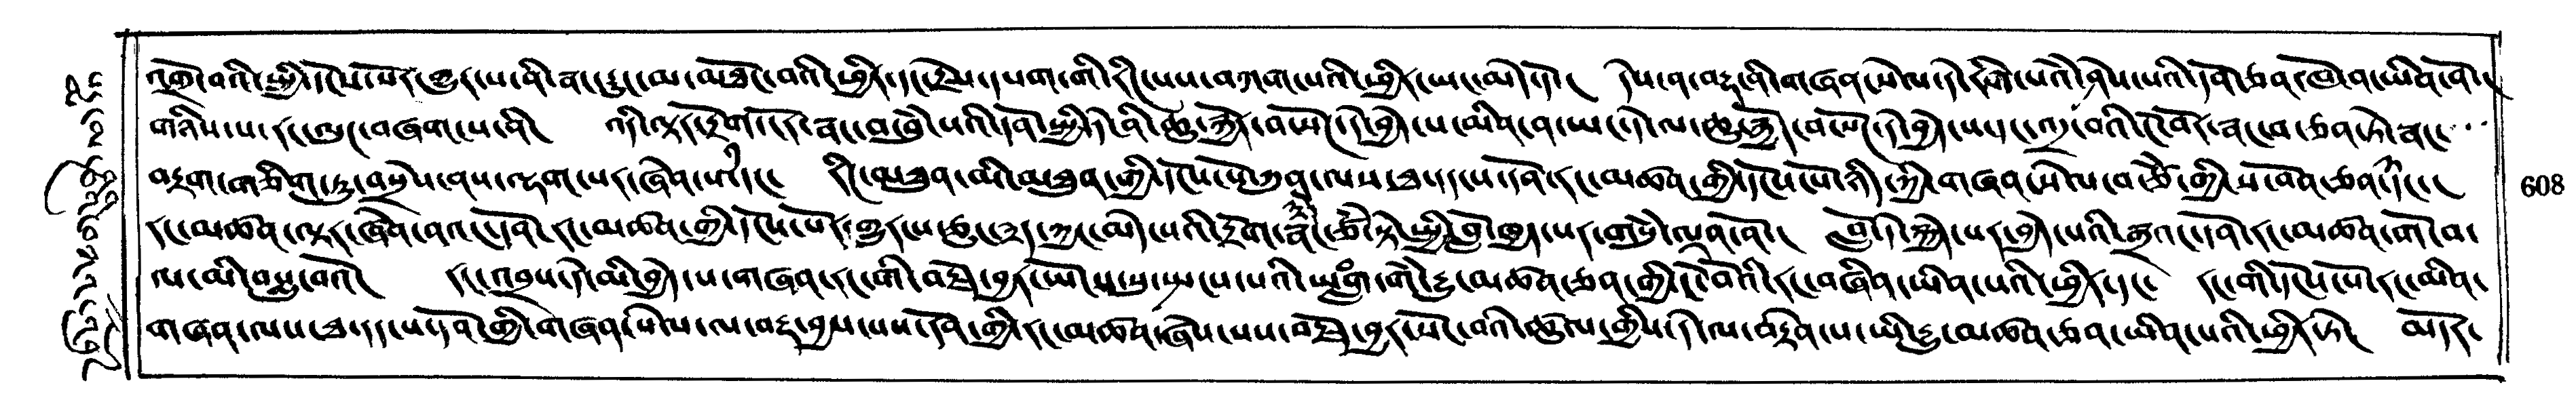འགྲོ་བའི་སྤྱི་དངོས་པོར་གྱུར་པ་ནི་སྣང་རུང་མ་མཐོང་བའི་ཕྱིར་དང་རྗེས་དཔག་གི་རིགས་པས་བཀག་པའི་ཕྱིར་ཡང་མེད་དོ།། དེས་ན་བརྡ་ནི་གཞན་སེལ་དེ་རིག་པའམ་ཤེས་པའི་དོན་ཅན་ཁོ་ན་ཡིན་ནོ།། 
གཉིས་པ་རང་ལུགས་བཞག་པ་ནི། འདི་ལྟར་རྟོག་ངོར་སྣང་བ་བུམ་པའི་དོན་སྤྱི་དེ་ནི་ཆུ་སྐྱོར་བ་སོགས་དེ་བྱེད་པ་མིན་ན་ཡང་དེ་ལ་ཆུ་སྐྱོར་བ་སོགས་དེ་བྱེད་པ་དང་འདྲ་བའི་ངོ་བོར་སྣང་བ་ཅན་ཏེ་སྣང་
བརྟགས་གཅིག་ཏུ་བསྲེས་ནས་ལྷག་པར་ཞེན་པ་དང་། རིགས་མཐུན་མི་མཐུན་གྱི་དངོས་པོ་ཀུན་ལས་ཐ་དད་པ་དོན་རང་མཚན་གྱི་དངོས་པོ་ཉིད་ཀྱི་གཞན་སེལ་བ་ཙམ་གྱི་ས་བོན་ཅན་དང་། 
རང་མཚན་ལྟར་ཞེན་ནའང་དོན་རང་མཚན་གྱི་དངོས་པོར་གྱུར་པ་ཅུང་ཟད་ཀྱང་མེད་པའི་རྟོག་སྣང་ཙམ་སྟེ་སྤྱི་བློ་ཁྱད་པར་གསུམ་ལྡན་ནོ།། བློ་དེ་སྐྱེད་པར་བྱེད་པའི་སྒྲའང་དོན་རང་མཚན་གོ་བ་
ལ་མི་བསྡུ་བའོ།། རང་འབྲས་དེ་མི་བྱེད་པ་གཞན་རང་གི་བརྗོད་བྱར་ཡོངས་སུ་སྤངས་པའི་ཡན་ལག་གམ་རྒྱུ་མཚན་ཅན་གྱི་ངོ་བོའི་རང་བཞིན་ཡིན་པའི་ཕྱིར་དང་། རང་གིས་དངོས་པོ་རང་མིན་
གཞན་ལས་ཐ་དད་པ་དོན་གྱི་གཞན་སེལ་ལ་བརྡ་བྱས་པས་དོན་གྱི་རང་མཚན་ཞེས་པས་བརྗོད་བྱར་སོང་བའི་ཚུལ་གྱིས་དེ་ལ་བརྟེན་པའི་རྒྱུ་མཚན་ཅན་ཡིན་པའི་ཕྱིར་ཏེ། མདོར་